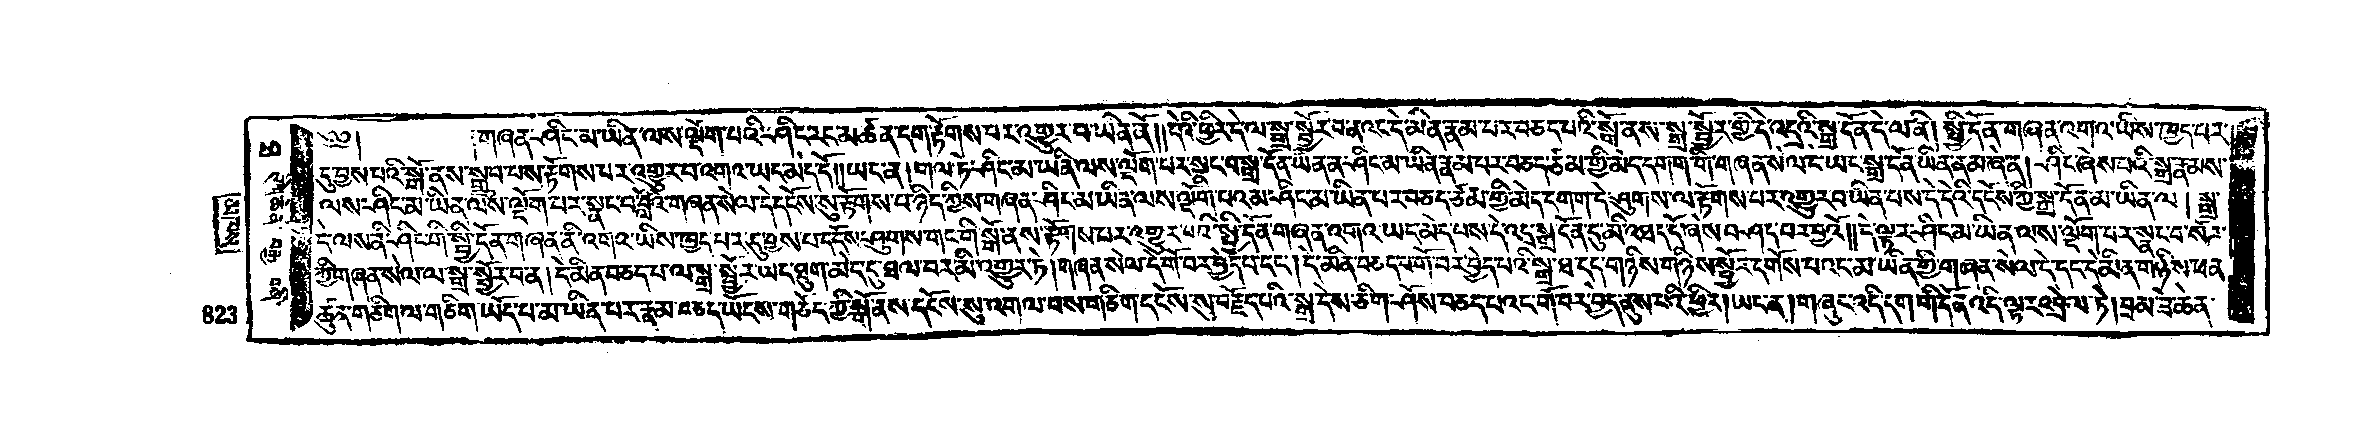༄༅། །གཞན་ཤིང་མ་ཡིན་ལས་ལྡོག་པའི་ཤིང་རང་མཚན་དག་རྟོགས་པར་འགྱུར་བ་ཡིན་ནོ། །དེའི་ཕྱིར་དེ་ལ་སྒྲ་སྦྱོར་བ་ནའང་དེ་མིན་རྣམ་པར་བཅད་པའི་སྒོ་ནས་སྒྲ་སྦྱོར་གྱི་དེ་འདྲའི་སྒྲ་དོན་དེ་ལ་ནི། སྤྱི་དོན་གཞན་འགའ་ཡིས་ཁྱད་པར་
དུ་བྱས་པའི་སྒོ་ནས་སྒྲུབ་པས་རྟོགས་པར་འགྱུར་བ་འགའ་ཡང་མེད་དོ། །ཡང་ན། གལ་ཏེ་ཤིང་མ་ཡིན་ལས་ལྡོག་པར་སྣང་བ་སྒྲ་དོན་ཡིན་ན་ཤིང་མ་ཡིན་རྣམ་པར་བཅད་ཙམ་གྱི་མེད་དགག་གི་གཞན་སེལ་དེ་ཡང་སྒྲ་དོན་ཡིན་ནམ་ཞེ་ན། ཤིང་ཞེས་པའི་སྒྲ་རྣམས་
ལས་ཤིང་མ་ཡིན་ལས་ལྡོག་པར་སྣང་བ་བློའི་གཞན་སེལ་དེ་དངོས་སུ་རྟོགས་པ་ཉིད་ཀྱིས་གཞན་ཤིང་མ་ཡིན་ལས་ལྡོག་པའམ་ཤིང་མ་ཡིན་པར་བཅད་ཙམ་གྱི་མེད་དགག་དེ་ཤུགས་ལ་རྟོགས་པར་འགྱུར་བ་ཡིན་པས་དེ་དེའི་དངོས་ཀྱི་སྒྲ་དོན་མ་ཡིན་ལ། སྒྲ་
དེ་ལས་ནི་ཤིང་གི་སྤྱི་དོན་གཞན་ནི་འགའ་ཡིས་ཁྱད་པར་དུ་བྱས་པ་དངོས་ཤུགས་གང་གི་སྒོ་ནས་རྟོགས་པར་འགྱུར་པའི་སྤྱི་དོན་གཞན་འགའ་ཡང་མེད་པད་དེ་འདྲ་སྒྲ་དོན་དུ་མི་འཐད་དོ་ཞེས་བཤད་པར་བྱའོ། །དེ་ལྟར་ཤིང་མ་ཡིན་ལས་ལྡོག་པར་སྣང་བ་སོགས་
ཀྱི་གཞན་སེལ་ལ་སྒྲ་སྦྱོར་བ་ན། དེ་མིན་བཅད་པ་ལ་སྒྲ་སྦྱོར་ཡང་ཐུག་མེད་དུ་ཐལ་བར་མི་འགྱུར་ཏེ། གཞན་སེལ་དེ་གོ་བར་བྱེད་པ་དང་། དེ་མིན་བཅད་པ་གོ་བར་བྱེད་པའི་སྒྲ་ཐ་དད་གཉིས་གཉིས་སྦྱོར་དགོས་པའང་མ་ཡིན་གྱི་གཞན་སེལ་དེ་དང་དེ་མིན་གཉིས་ཕན་
ཚུན་གཅིག་ལ་གཅིག་ཡོད་པ་མ་ཡིན་པར་རྣམ་བཅད་ཡོངས་གཅོད་ཀྱི་སྒོ་ནས་དངོས་སུ་འགལ་བས་གཅིག་དངོས་སུ་བརྗོད་པའི་སྒྲ་དེས་ཅིག་ཤོས་བཅད་པའང་གོ་བར་བྱེད་ནུས་པའི་ཕྱིར། ཡང་ན། གཞུང་འདི་དག་གི་དོན་འདི་ལྟར་འབྲེལ་ཏེ། བྲམ་ཟེ་ཆེན་